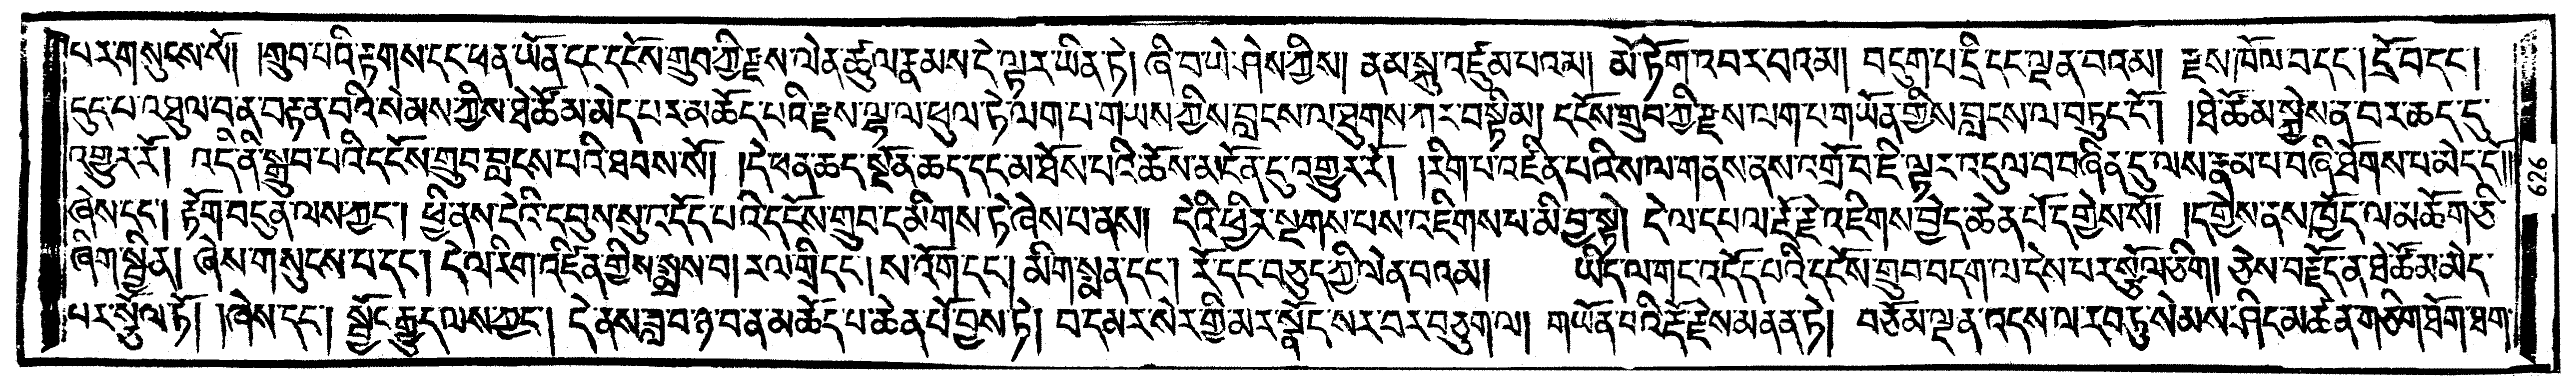པར་གསུངས་སོ། །གྲུབ་པའི་རྟགས་དང་ཕན་ཡོན་དང་དངོས་གྲུབ་ཀྱི་རྫས་ལེན་ཚུལ་རྣམས་དེ་ལྟར་ཡིན་ཏེ། ཞི་བ་ཡེ་ཤེས་ཀྱིས། ནམ་སྐུ་འཛུམ་པའམ། མེ་ཏོག་འབར་བའམ། བདུག་པ་དྲི་དང་ལྡན་བའམ། རྫས་ཁོལ་བ་དང་། དྲོ་བ་དང་།
དུད་པ་འཐུལ་བ་ན་བརྟན་བའི་སེམས་ཀྱིས་ཐེ་ཚོམ་མེད་པར་མཆོད་པའི་རྫས་ལྷ་ལ་ཕུལ་ཏེ་ལག་པ་གཡས་ཀྱིས་བླངས་ལ་ཐུགས་ཀར་བསྟིམ། དངོས་གྲུབ་ཀྱི་རྫས་ལག་པ་གཡོན་གྱིས་བླངས་ལ་བཏུང་ངོ། །ཐེ་ཚོམ་སྐྱེས་ན་བར་ཆད་དུ་
འགྱུར་རོ། འདི་ནི་སྒྲུབ་པའི་དངོས་གྲུབ་བླངས་པའི་ཐབས་སོ། །དེ་ཕན་ཆད་སྔོན་ཆད་དང་མ་ཐོས་པའི་ཆོས་མངོན་དུ་འགྱུར་རོ། །རིག་པ་འཛིན་པའི་ས་ལ་གནས་ནས་འགྲོ་བ་ཇི་ལྟར་འདུལ་བ་བཞིན་དུ་ལས་རྣམ་པ་བཞི་ཐོགས་པ་མེད་དོ།།
ཞེས་དང་། རྟོག་བདུན་ལས་ཀྱང་། ཕྱི་ནས་དེའི་དབུས་སུ་འདོད་པའི་དངོས་གྲུབ་དམིགས་ཏེ་ཞེས་པ་ནས། དེའི་ཕྱིར་སྔགས་པས་འཇིགས་པ་མི་བྱ་སྟེ། དེ་ལ་དཔལ་རྡོ་རྗེ་འཇིགས་བྱེད་ཆེན་པོ་དགྱེས་སོ། །དགྱེས་ནས་ཁྱོད་ལ་མཆོག་ཅི་
ཞིག་སྦྱིན། ཞེས་གསུངས་པ་དང་། དེ་ལ་རིག་འཛིན་གྱིས་སྨྲས་བ། རལ་གྲི་དང་། ས་འོག་དང་། མིག་སྨན་དང་། རོ་དང་བཅུད་ཀྱི་ལེན་བའམ། ཡིད་ལ་གང་འདོད་པའི་དངོས་གྲུབ་བདག་ལ་ངེས་པར་སྩོལ་ཅིག། ཅེས་བརྗོད་ན་ཐེ་ཚོམ་མེད་
པར་སྩོལ་ཏོ། །ཞེས་དང་། སྦྱོང་རྒྱུད་ལས་ཀྱང་། དེ་ནས་ཟླ་བ་ཉ་བ་ན་མཆོད་པ་ཆེན་པོ་བྱས་ཏེ། བ་དམར་སེར་གྱི་མར་སྣོད་སར་བར་བཅུག་ལ། གཡོན་པའི་རྡོ་རྗེས་མནན་ཏེ། བཅོམ་ལྡན་འདས་ལ་རབ་ཏུ་སེམས་ཤིང་མཚན་གཅིག་ཐོག་ཐག་